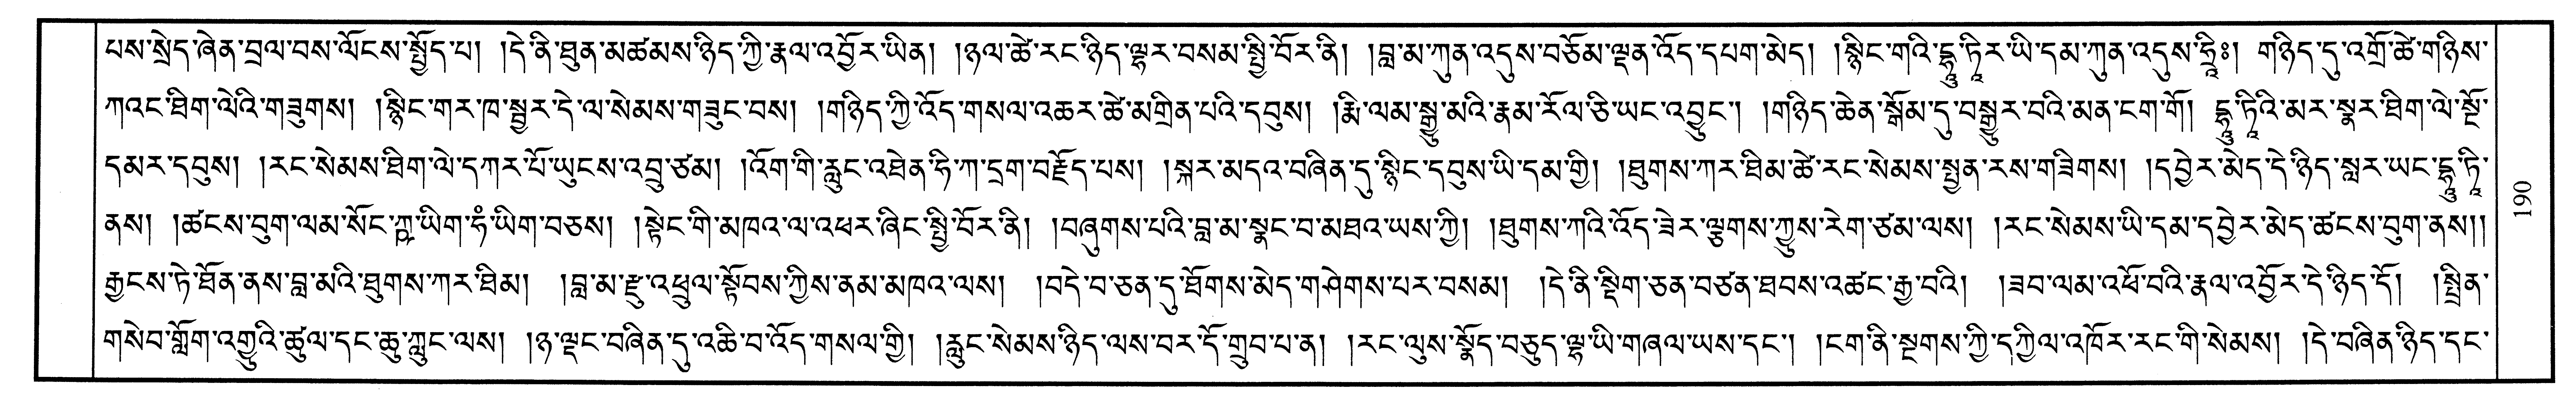པས་སྲེད་ཞེན་བྲལ་བས་ལོངས་སྤྱོད་པ། །དེ་ནི་ཐུན་མཚམས་ཉིད་ཀྱི་རྣལ་འབྱོར་ཡིན། །ཉལ་ཚེ་རང་ཉིད་ལྷར་བསམ་སྤྱི་བོར་ནི། །བླ་མ་ཀུན་འདུས་བཅོམ་ལྡན་འོད་དཔག་མེད། །སྙིང་གའི་དྷཱུ་ཏཱིར་ཡི་དམ་ཀུན་འདུས་ཧྲཱིཿ། གཉིད་དུ་འགྲོ་ཚེ་གཉིས་
ཀའང་ཐིག་ལེའི་གཟུགས། །སྙིང་གར་ཁ་སྦྱར་དེ་ལ་སེམས་གཟུང་བས། །གཉིད་ཀྱི་འོད་གསལ་འཆར་ཚེ་མགྲིན་པའི་དབུས། །རྨི་ལམ་སྒྱུ་མའི་རྣམ་རོལ་ཅི་ཡང་འབྱུང་། །གཉིད་ཆེན་སྒོམ་དུ་བསྒྱུར་བའི་མན་ངག་གོ། དྷཱུ་ཏཱིའི་མར་སྣང་ཐིག་ལེ་སྔོ་
དམར་དབུས། །རང་སེམས་ཐིག་ལེ་དཀར་པོ་ཡུངས་འབྲུ་ཙམ། །འོག་གི་རླུང་འཐེན་ཧི་ཀ་དྲག་བརྗོད་པས། །སྐར་མདའ་བཞིན་དུ་སྙིང་དབུས་ཡི་དམ་གྱི། །ཐུགས་ཀར་ཐིམ་ཚེ་རང་སེམས་སྤྱན་རས་གཟིགས། །དབྱེར་མེད་དེ་ཉིད་སླར་ཡང་དྷཱུ་ཏཱི་
ནས། །ཚངས་བུག་ལམ་སོང་ཀཥ་ཡིག་ཧཾ་ཡིག་བཅས། །སྟེང་གི་མཁའ་ལ་འཕར་ཞིང་སྤྱི་བོར་ནི། །བཞུགས་པའི་བླ་མ་སྣང་བ་མཐའ་ཡས་ཀྱི། །ཐུགས་ཀའི་འོད་ཟེར་ལྕགས་ཀྱུས་རེག་ཙམ་ལས། །རང་སེམས་ཡི་དམ་དབྱེར་མེད་ཚངས་བུག་ནས། །
རྒྱངས་ཏེ་ཐོན་ནས་བླ་མའི་ཐུགས་ཀར་ཐིམ། །བླ་མ་རྫུ་འཕྲུལ་སྟོབས་ཀྱིས་ནམ་མཁའ་ལས། །བདེ་བ་ཅན་དུ་ཐོགས་མེད་གཤེགས་པར་བསམ། །དེ་ནི་སྡིག་ཅན་བཙན་ཐབས་འཚང་རྒྱ་བའི། །ཟབ་ལམ་འཕོ་བའི་རྣལ་འབྱོར་དེ་ཉིད་དོ། །སྤྲིན་
གསེབ་གློག་འགྱུའི་ཚུལ་དང་ཆུ་ཀླུང་ལས། །ཉ་ལྡང་བཞིན་དུ་འཆི་བ་འོད་གསལ་གྱི། །རླུང་སེམས་ཉིད་ལས་བར་དོ་གྲུབ་པ་ན། །རང་ལུས་སྣོད་བཅུད་ལྷ་ཡི་གཞལ་ཡས་དང་། །ངག་ནི་སྔགས་ཀྱི་དཀྱིལ་འཁོར་རང་གི་སེམས། །དེ་བཞིན་ཉིད་དང་